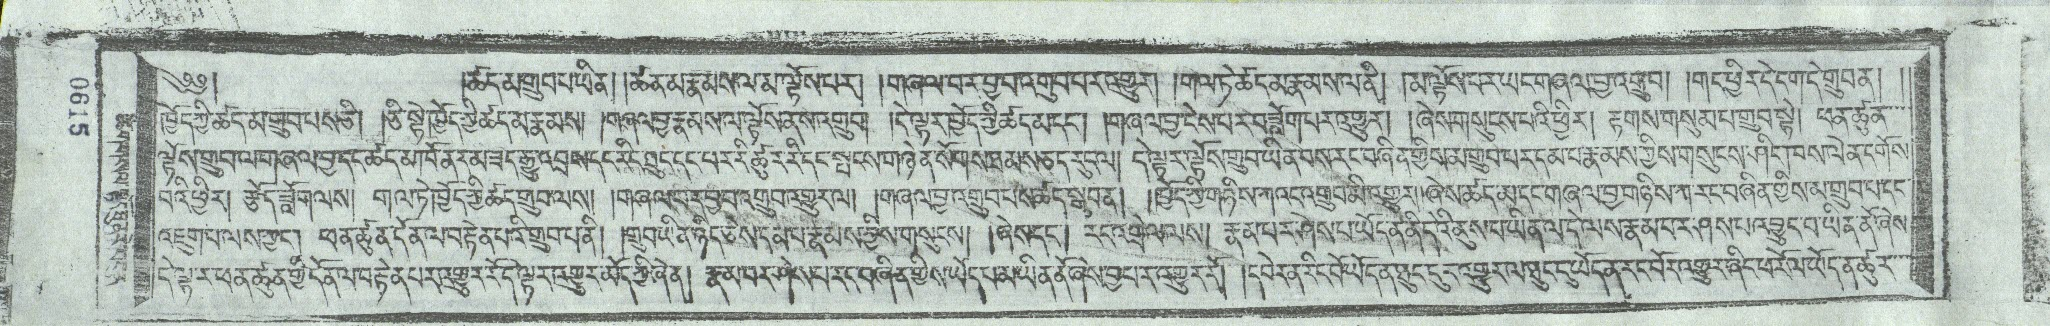༄༅། །ཚད་མ་གྲུབ་པ་ཡིན། །ཚན་མ་རྣམས་ལ་མ་ལྟོས་པར། །གཞལ་བར་བྱ་བ་འགྲུབ་པར་འགྱུར། །གལ་ཏེ་ཚད་མ་རྣམས་ལ་ནི། །མ་ལྟོས་པར་ཡང་གཞལ་བྱ་འགྲུབ། །གང་ཕྱིར་དེ་དག་དེ་གྲུབ་ན། །
ཁྱོད་ཀྱི་ཚད་མ་གྲུབ་པས་ཅི། །ཅི་སྟེ་ཁྱོད་ཀྱི་ཚད་མ་རྣམས། །གཞལ་བྱ་རྣམས་ལ་ལྟོས་ནས་འགྲུབ། །དེ་ལྟར་ཁྱོད་ཀྱི་ཚད་མ་དང་། །གཞལ་བྱ་ངེས་པར་བཟློག་པར་འགྱུར། །ཞེས་གསུངས་པའི་ཕྱིར། རྟགས་གསུམ་པ་གྲུབ་སྟེ། ཕན་ཚུན་
ལྟོས་གྲུབ་ལ་གཞལ་བྱ་དང་ཚད་མ་ཁོ་ནར་མ་ཟད་རྒྱུ་འབྲས་དང་རིང་ཐུང་དང་པར་རི་ཚུར་རི་དང་སྤངས་གཉེན་སོགས་ཐམས་ཅད་རུང་ལ། དེ་ལྟར་ལྟོས་གྲུབ་ཡིན་པས་རང་བཞིན་གྱིས་མ་གྲུབ་པར་དམ་པ་རྣམས་ཀྱིས་གསུངས་ཤིང་ཁས་ལེན་དགོས་
བའི་ཕྱིར། རྩོད་ཟློག་ལས། གལ་ཏེ་ཁྱོད་ཀྱི་ཚད་གྲུབ་ལས། །གཞལ་བར་བྱ་བ་འགྲུབ་འགྱུར་ལ། །གཞལ་བྱ་འགྲུབ་པས་ཚད་སྒྲུབ་ན། །ཁྱོད་ཀྱི་གཉིས་ཀའང་འགྲུབ་མི་འགྱུར། །ཞེས་ཚད་མ་དང་གཞལ་བྱ་གཉིས་ཀ་རང་བཞིན་གྱིས་མ་གྲུབ་པ་དང་
འཇུག་པ་ལས་ཀྱང་། ཕན་ཚུན་དོན་ལ་བརྟེན་པའི་གྲུབ་པ་ནི། །གྲུབ་ཡིན་ཉིད་ཅེས་དམ་པ་རྣམས་ཀྱིས་གསུངས། །ཞེས་དང་། རང་འགྲེལ་ལས། རྣམ་པར་ཤེས་པ་ཡོད་ན་ནི་དེའི་ནུས་པ་ཡིན་ལ་དེ་ལས་རྣམ་པར་ཤེས་པ་འབྱུང་བ་ཡིན་ནོ་ཞེས་
དེ་ལྟར་ཕན་ཚུན་གྱི་དོན་ལ་བརྟེན་པར་འགྱུར་རོ་དེ་ལྟར་འགྱུར་མོད་ཀྱི་ཞེ་ན། རྣམ་པར་ཤེས་པ་རང་བཞིན་གྱིས་ཡོད་པ་མ་ཡིན་ནོ་ཞེས་བྱ་བར་འགྱུར་རོ། །དཔེར་ན་རིང་པོ་ཡོད་ན་ཐུང་ངུར་འགྱུར་ལ་ཐུང་ངུ་ཡོད་ན་རང་བོར་འགྱུར་ཞིང་ཕ་རོལ་ཡོད་ན་ཚུར་